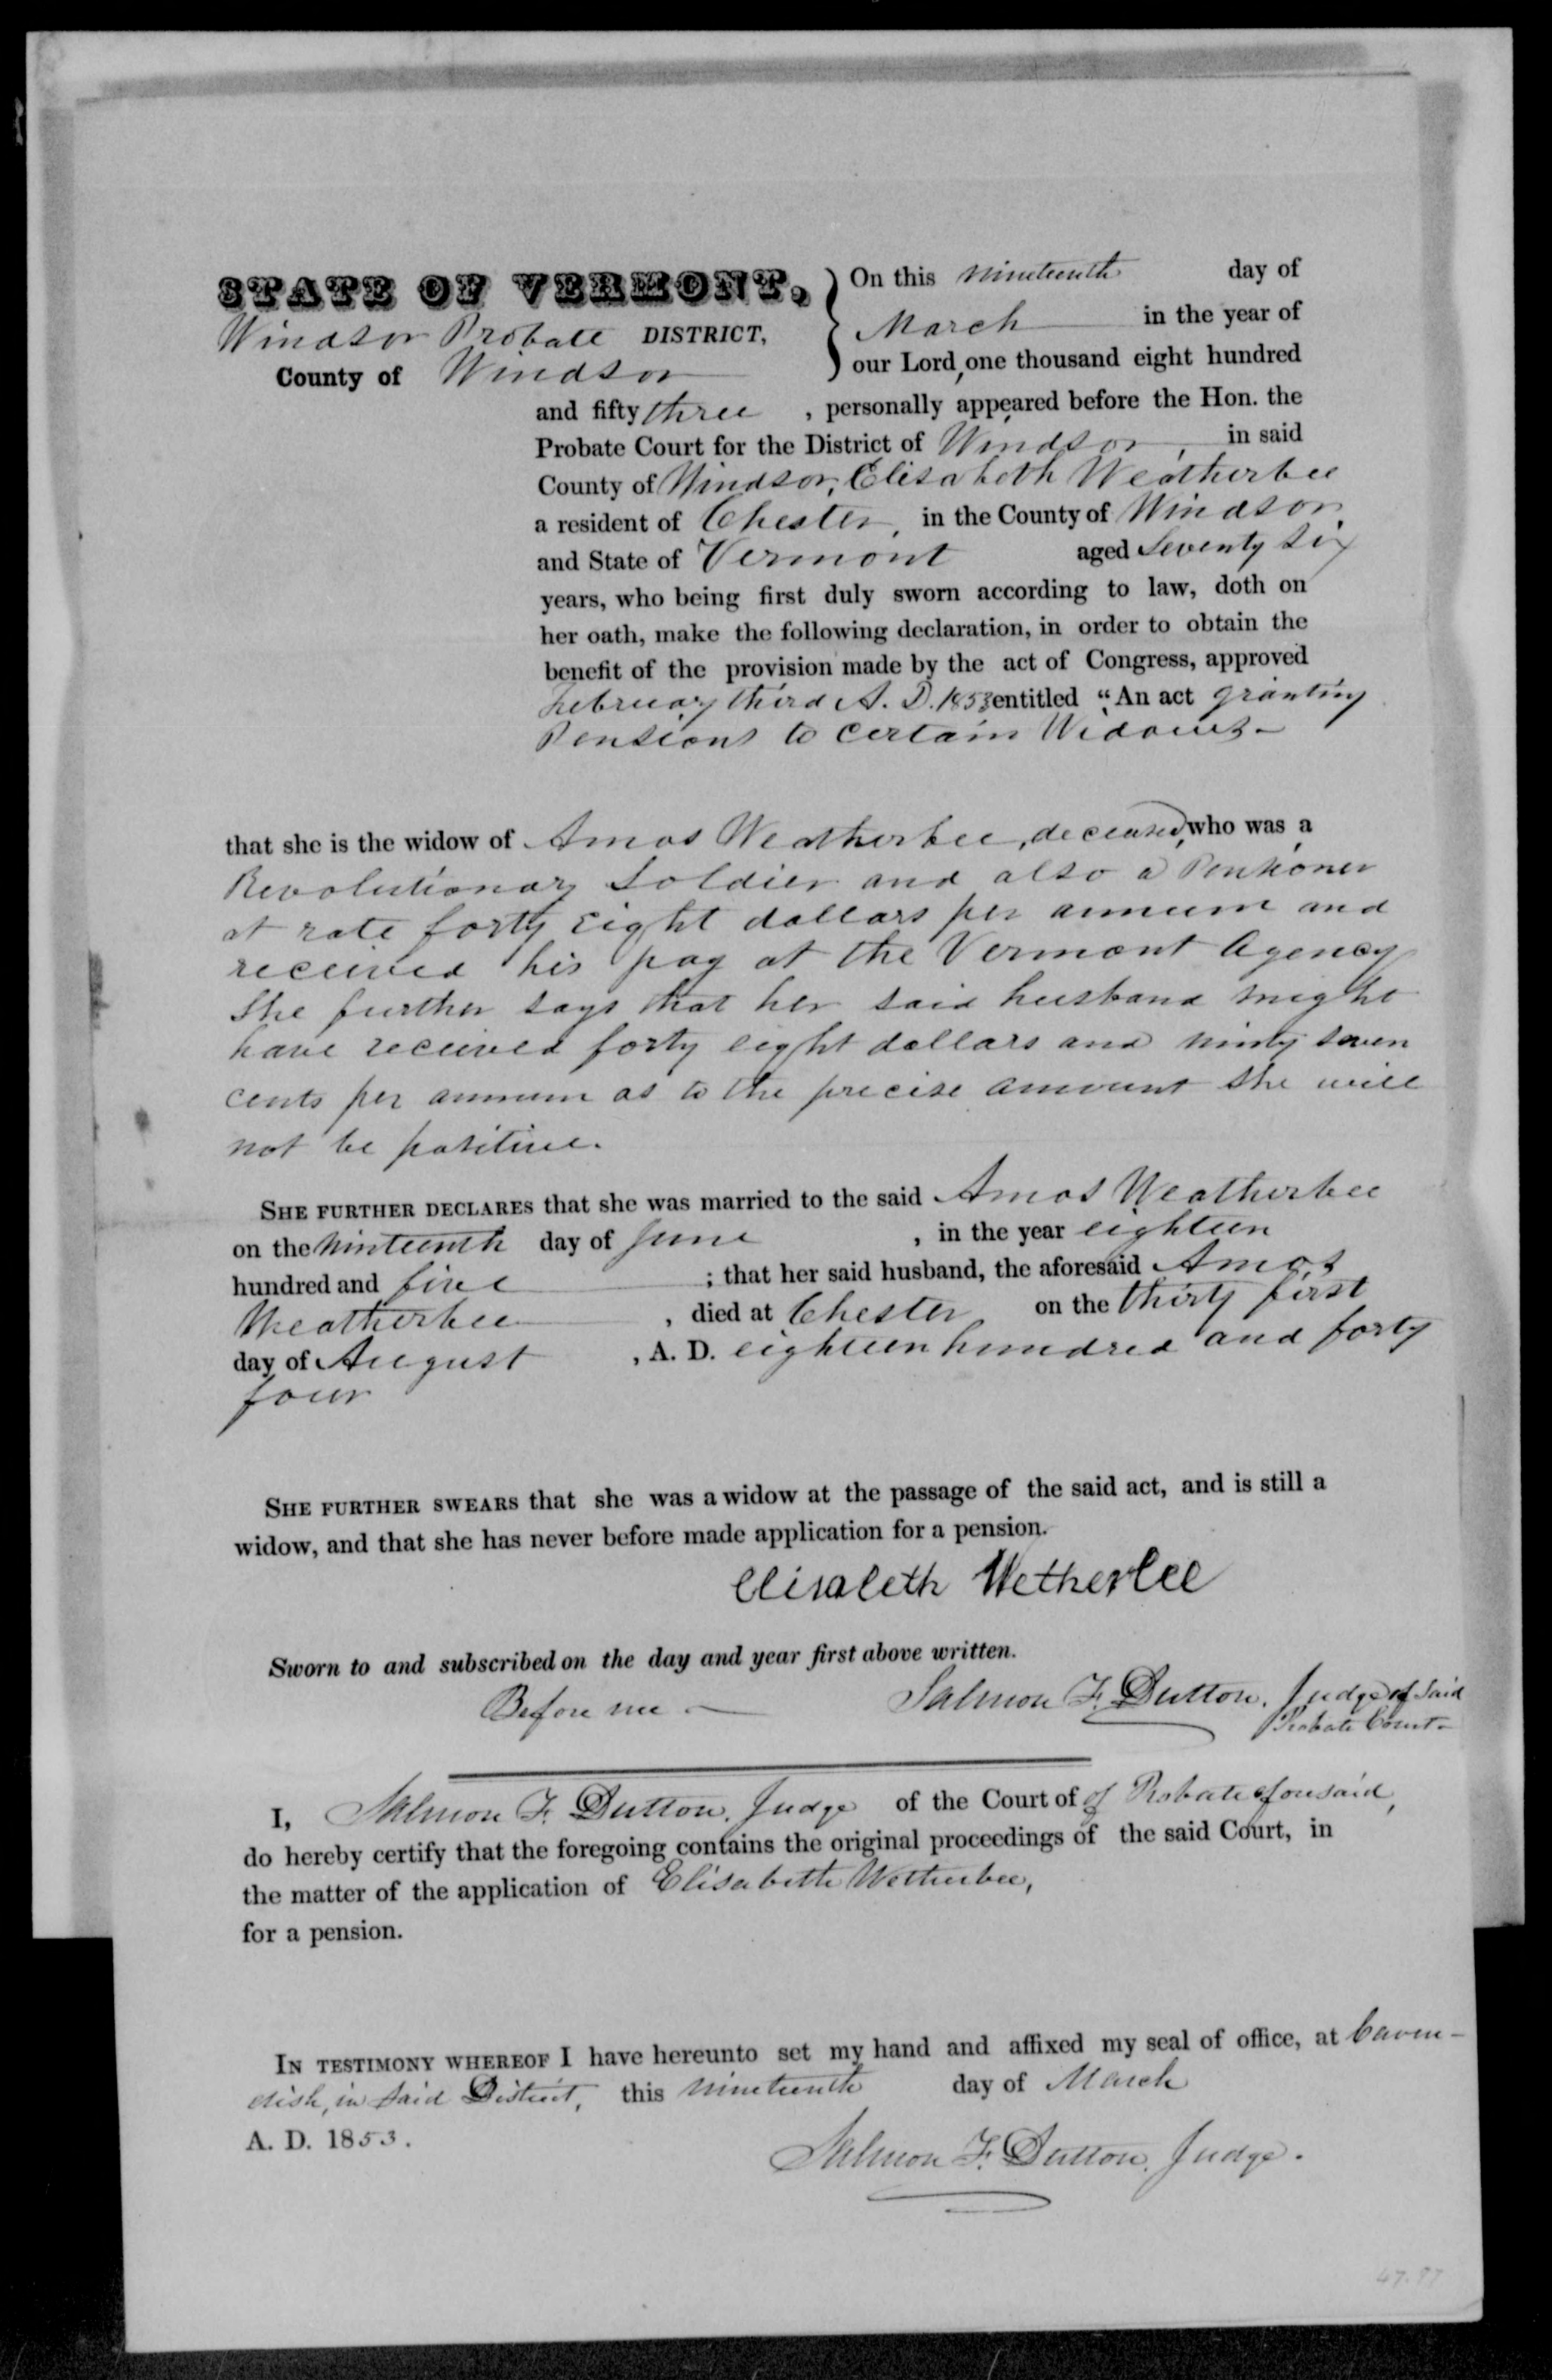State of Vermont,
Windsor Probate District,
County of Windsor

On this nineteenth day of March in the year of our Lord, one thousand eight hundred and fifty three, personally appeared before the Hon. the Probate Court for the District of Windsor in said County of Windsor, Elisabeth Weatherbee a resident of Chester in the County of Windsor and State of Vermont, aged seventy six years, who being furst duly sworn according to law, doth on her oath, make the following declaration, in order to obtain the benefit of the provision made by the act of Congress approved Frebruary third A. D. 1853 entitled "An act granting pensions to certain widows, that she is the widow of Amos Weatherbee deceased, who was a Revolutionarry Soldier and also a Pensioner at rate forty eight dollars per annum and received his pay at the Veermont Agency She further says that her said husand might have received forty eight dollars and ninety seven cents per annum as to the precise amount she will not be positive.
She further declares that she was married to the said Amos Weatherbee on the nineteenth day of June in the year eighteen hundred and five; that her said husbland, the aforsaid Amos Weatherbee, died at Chester on the thirty first day of August A. D. eighteen hundred and forty four.
She further swears that she was a widow at the passage of the said act, and still a widow, and that she has never before made application for a pension.
Elisabeth Wetherbee
Sworn to ad subscribed on the day and year first above written. Before me
Salmon F. Dutton, Judge of said Probate Court

I, Salmon F. Dutton, Judge of the Court of Probate aforesaid, do hereby certify that foregoing contains the original proceeding of the said Court, in the matter of the application of Elisabeth  Wetherbee for a pension.

In Testimony Whereof I have hereunto set my hand and affixed mt seal of office at Cavendish, in said District this nineteenth day of March A. D. 1853
Salmon F. Dutton, Judge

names: Amos Weatherbee, Salmon F Dutton, Elisabeth Weatherbee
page: 13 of 66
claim: widow's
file: W. 2468, Amos Wetherbee, Mass.